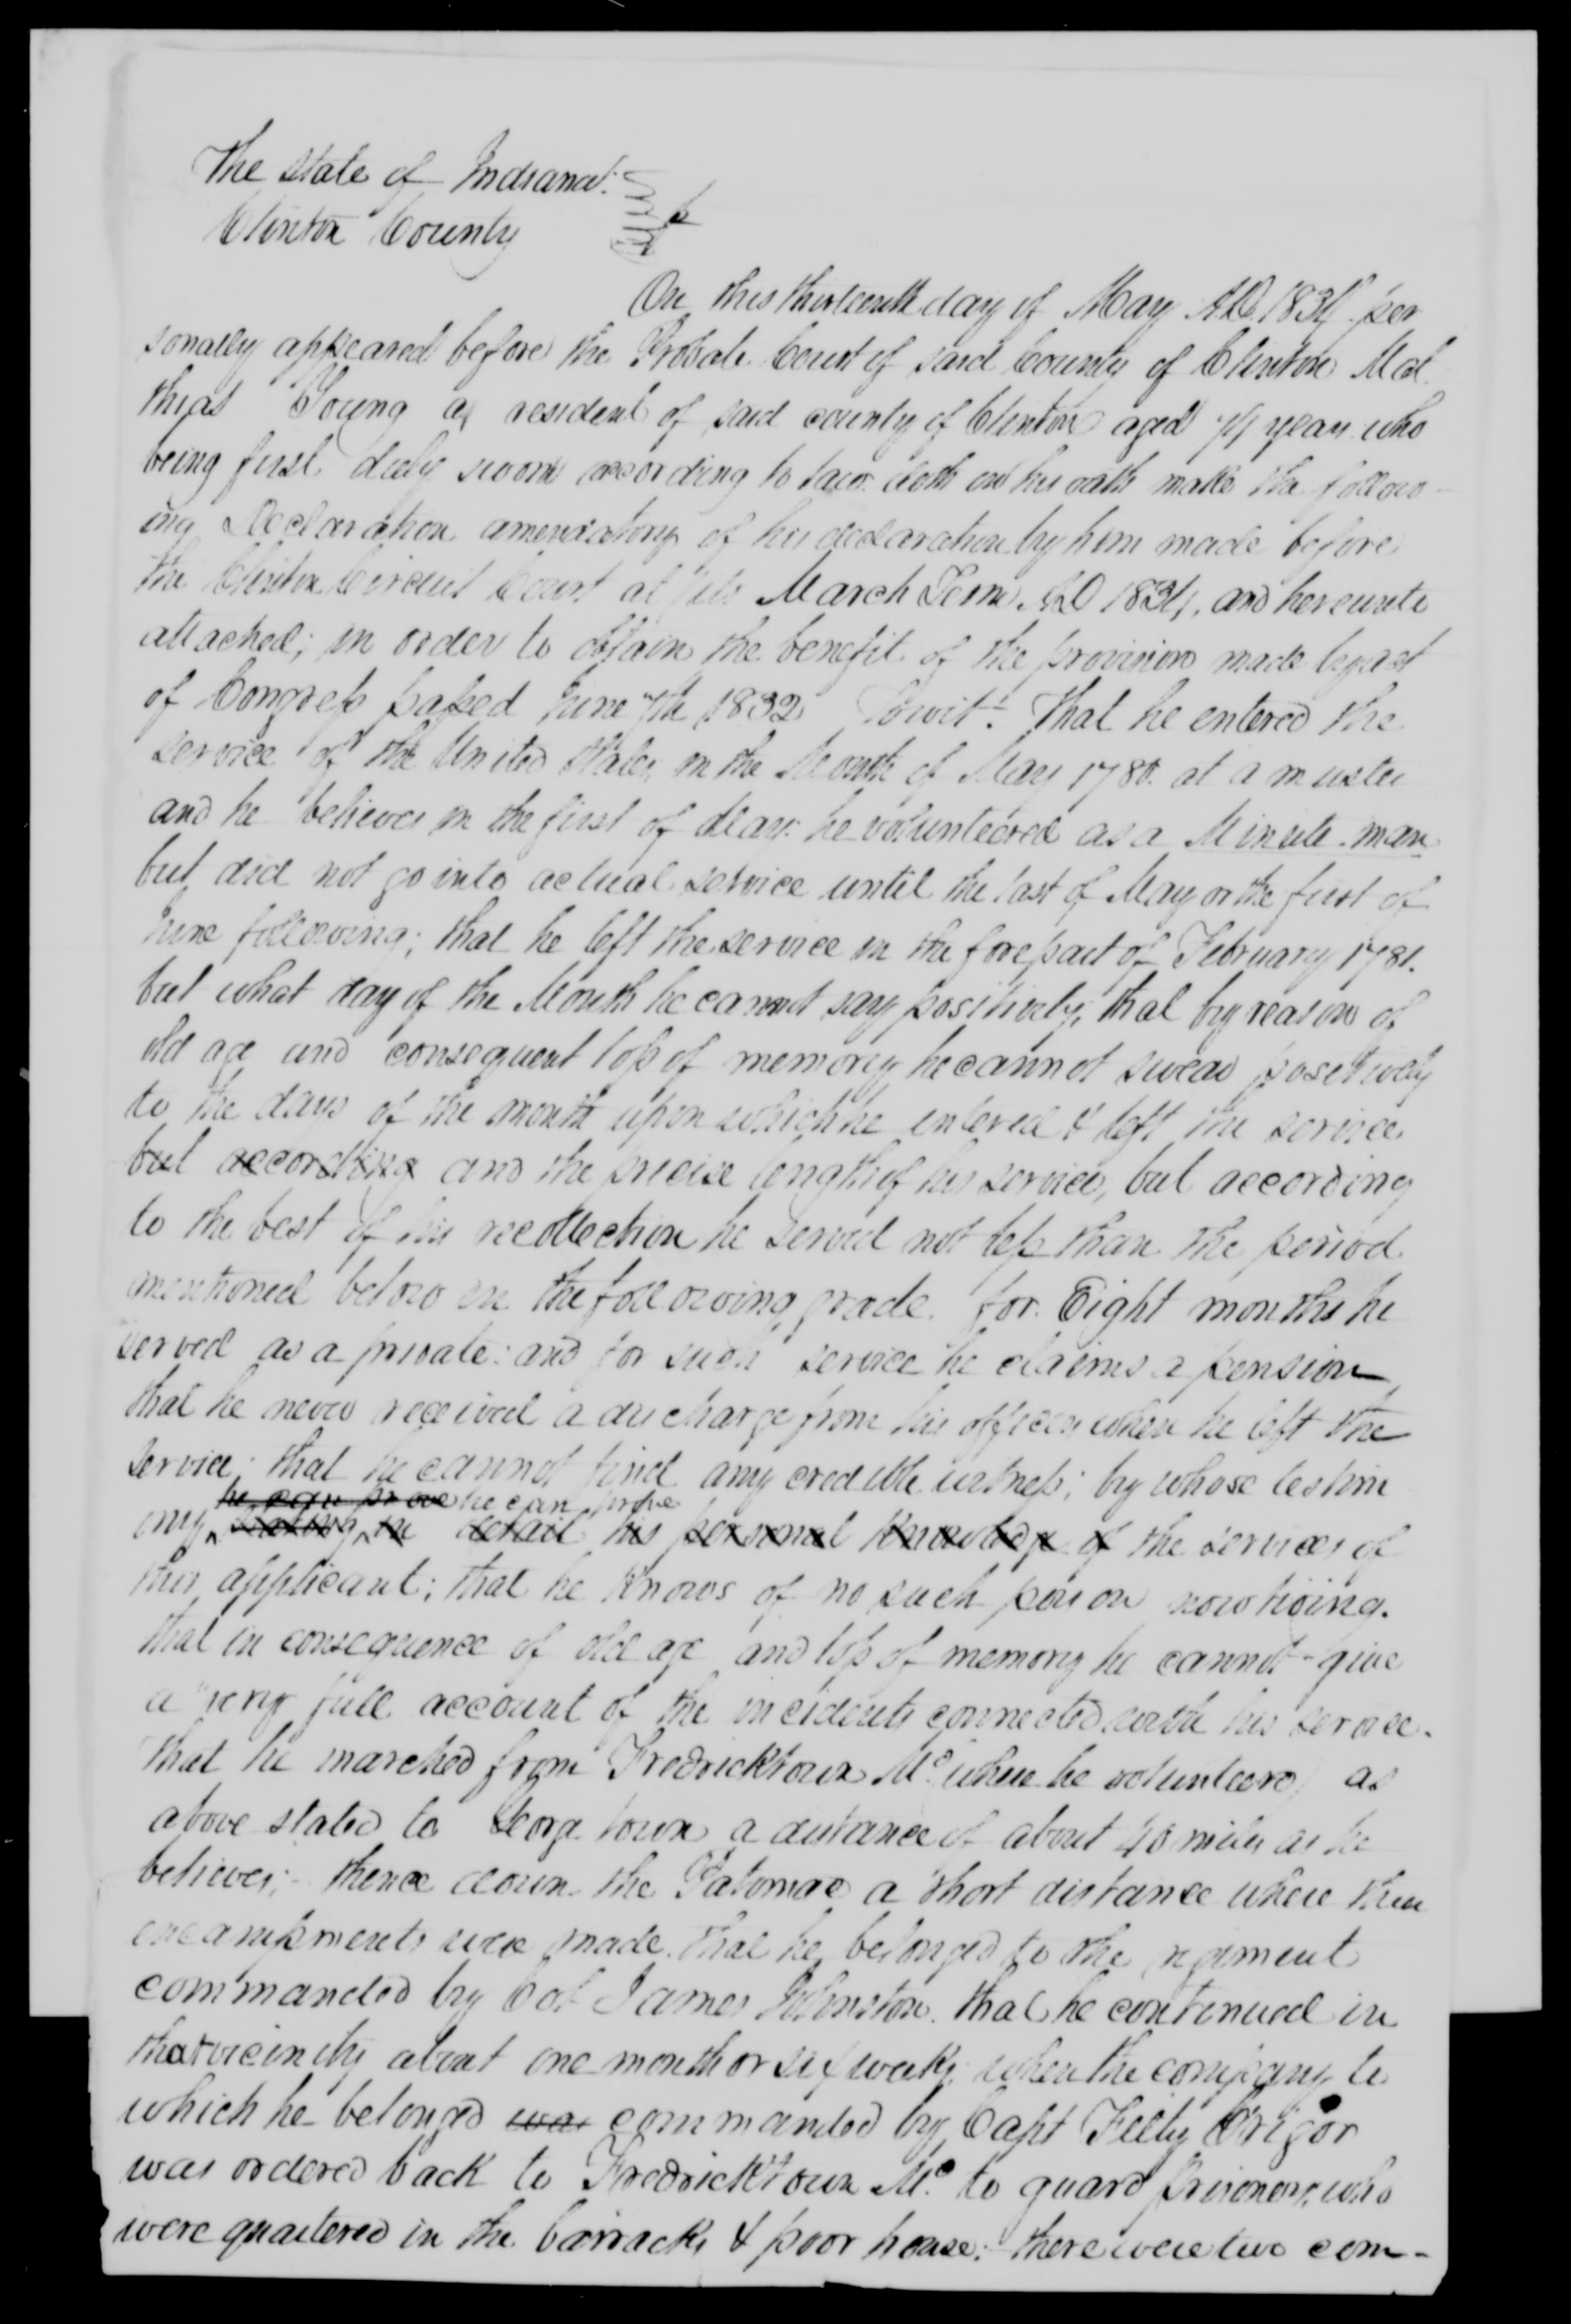The State of Indiana Clinton County ss
On this thirteenth day of May AD 1885 personally appeared before the Probate Court of said County of Clinton Matthias Young, a resident of said County of Clinton aged 74 years who
being first duly sworn according to law doth on his oath make the following declaration amendatory of his declaration by him made before the Clinton Circuit of the March Term 1834, and hereunto
attached, in order to gain the benefit of the provision made by act of Congress passed June 7th 1832 to wit. That he entered the service of the United States on the tenth of May 1781, at a muster and he believes on the first of May he volunteered as a minute man
but did not go into actual service until the last of May or the first of June following; that he left the service in the forepart of February 1781.
but what day of the month he cannot say positively, that by reason of old age and consequent loss of memory he cannot swear positively to the days of the month upon which he entered & left the service
and the precise length of his service, but according to the best of his recollection he served not less than the period mentioned below in the following,  made for Eight months he served as a private and for such service he claims a pension.
That he never received a discharge from his officers when he left the service, that he cannot find any credible witness; by whose testimony he can prove
the services of this applicant; that he knows of no such person now living, that in consequence of old age and loss of memory he cannot give
very full account of the incidents connected with his service. That he marched from Fredricktown Md when he volunteered as above stated to Georgetown a distance of about 40 miles as he
believes, thence down the Potomac a short distance where the encampments were made. That he belonged to the regiment commanded by Col James Johnston, that he continued in that vicinity about one month or six weeks when the company to
which he belonged commanded by Capt Felty Cregor was ordered back to Fredrick Town Md to guard prisoners, who were quartered in the barracks & poor house; there were two companies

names: Felty Cregor, Matthias Young, James Johnston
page: 8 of 123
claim: rejected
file: R. 11,949, Matthias Young, Md.